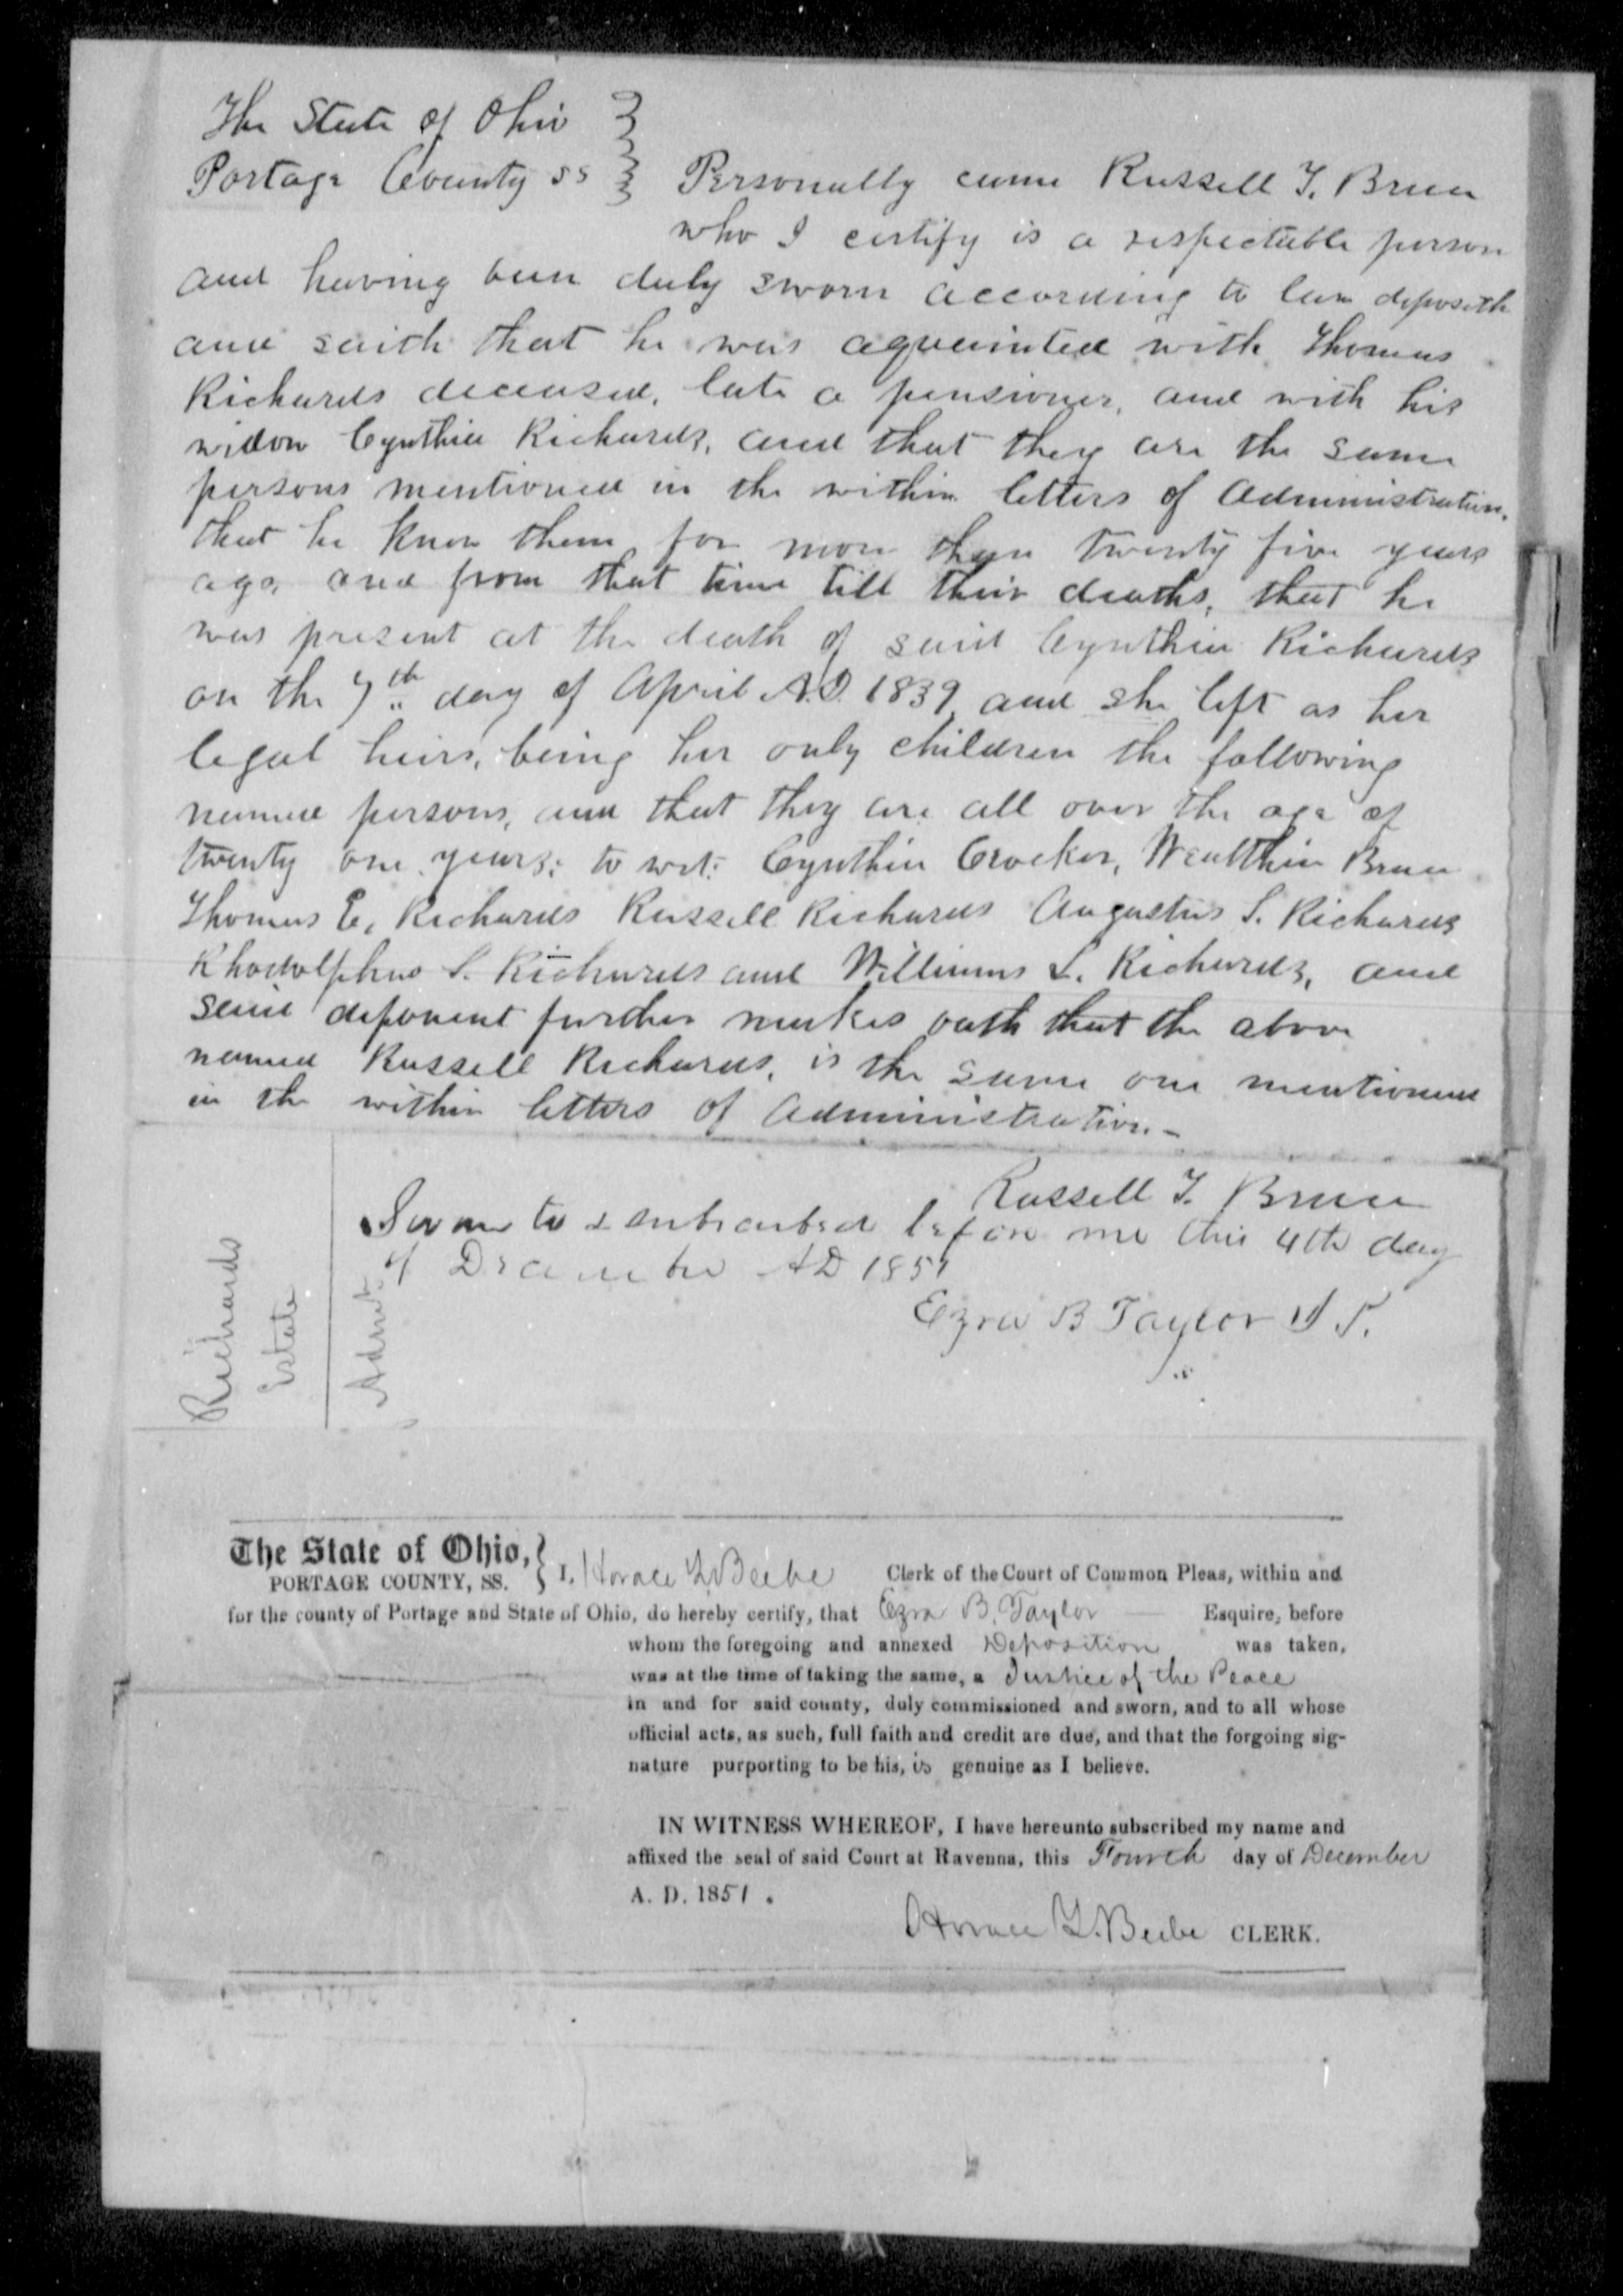The State of Ohio
Portage County SS}
Personally came Russell T. Bruce who I certify is a respectable person and having been duly sworn according to law deposeth and saith that he was aquainted [ACQUAINTED] with Thomas Richards deceased, late a pensioner, and with his widow Cynthia Richards, and that they are the same persons mentioned in the within letters of Administration. That he knew them for more than twenty five years ago, and from that time till their deaths, that he was present at the death of said Cynthia Richards
on the 7th day of April A.D. 1839, and she left as her legal heirs being her only children the following named persons, and that they are all over the age of twenty one years: to wit: Cynthia Crocker, Wealthy Bruce Thomas E. Richards Russell Richards Augustus S. Richards
Rhodolphus S. Richards and Williams L. Richards, and said deponent further makes oath that the above named Russell Richards, is the same one mentioned in the within letters of Administration. -
Russell T. Bruce
Sworn to & subscribed before me this 4th day
of December A D 1851
Ezra B Taylor J P. [JUSTICE PEACE]

Left sideways] Richards Estate Admt. [ADMITTED]
---
The State of Ohio,
PORTAGE COUNTY, SS.} I Horace T Beebe Clerk of the Court of Common Pleas, within and
for the county of Portage and State of Ohio, do hereby certify, that Ezra B. Taylor Esquire, before whom the foregoing and annexed Deposition was taken, was at the time of taking the same, a Justice of the Peace in and for said county, duly commissioned and sworn, and to all whose official acts, as such, full faith and credit are due, and that the forgoing signature
purporting to be his, is genuine as I believe.
IN WITNESS WHEREOF, I have hereunto subscribed my name and affixed the seal of said Court at Ravenna, this Fourth day of December A.D. 1851.
Horace T. Beebe CLERK.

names: Augustus S Richards; Cynthia Clocker; Cynthia Richards; [BLANK] Richards; Russell Richards; Wealthie Bruce; Cynthia Richards; Russell Richards; Thomas E Richards; Ezra B Taylor; Thomas Richards; Rhodolphus S Richards; Horace T Beebe; Russell T Bruce; William L Richards; Russell T Bruce; Horace L Beebe; Ezra B Taylor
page: 71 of 109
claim: widow's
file: W. 5709, for Thomas Richards, New Hampshire